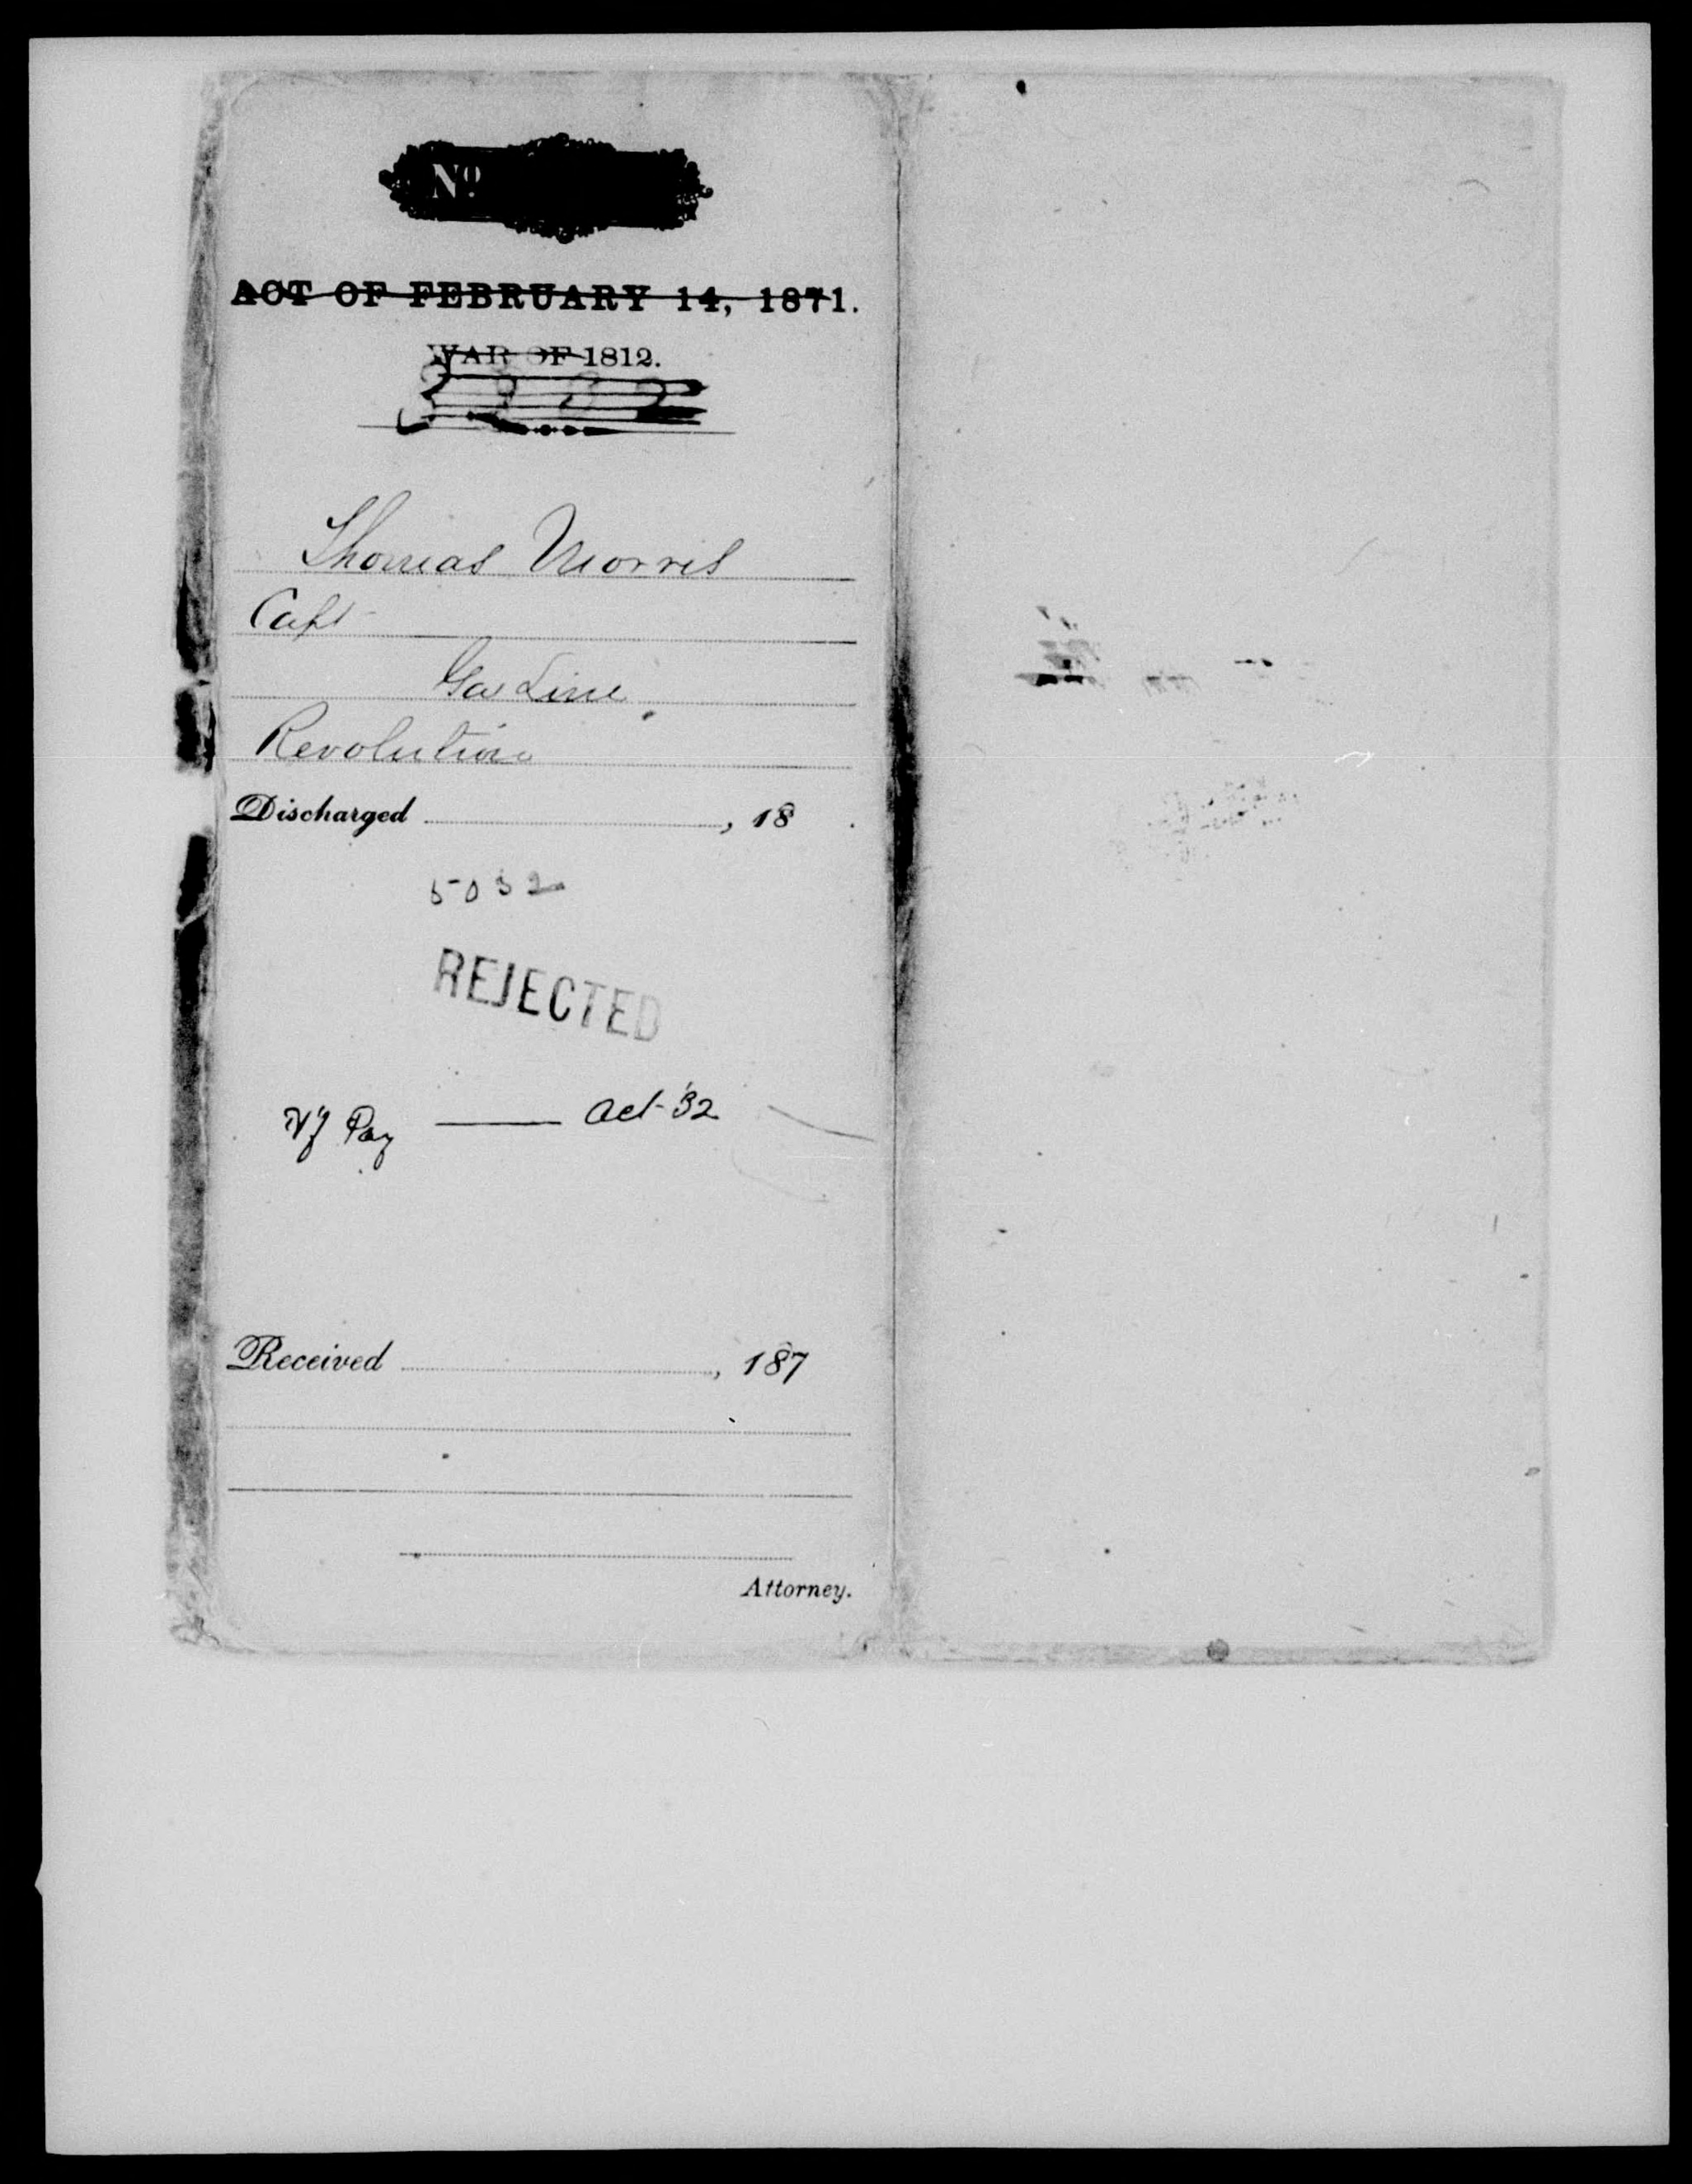[ACT OF FEBRUARY 14, 1871
WAR OF 1812.] [crossed out]
Thomas Morris
Capt
Ga Line
Revolution
Discharged , 18
5032 
REJECTED
Pay Oct 32
Received 187
Attorney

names: Thomas Morris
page: 27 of 30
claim: rejected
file: R. 16,555, for Thomas Morris, Georgia